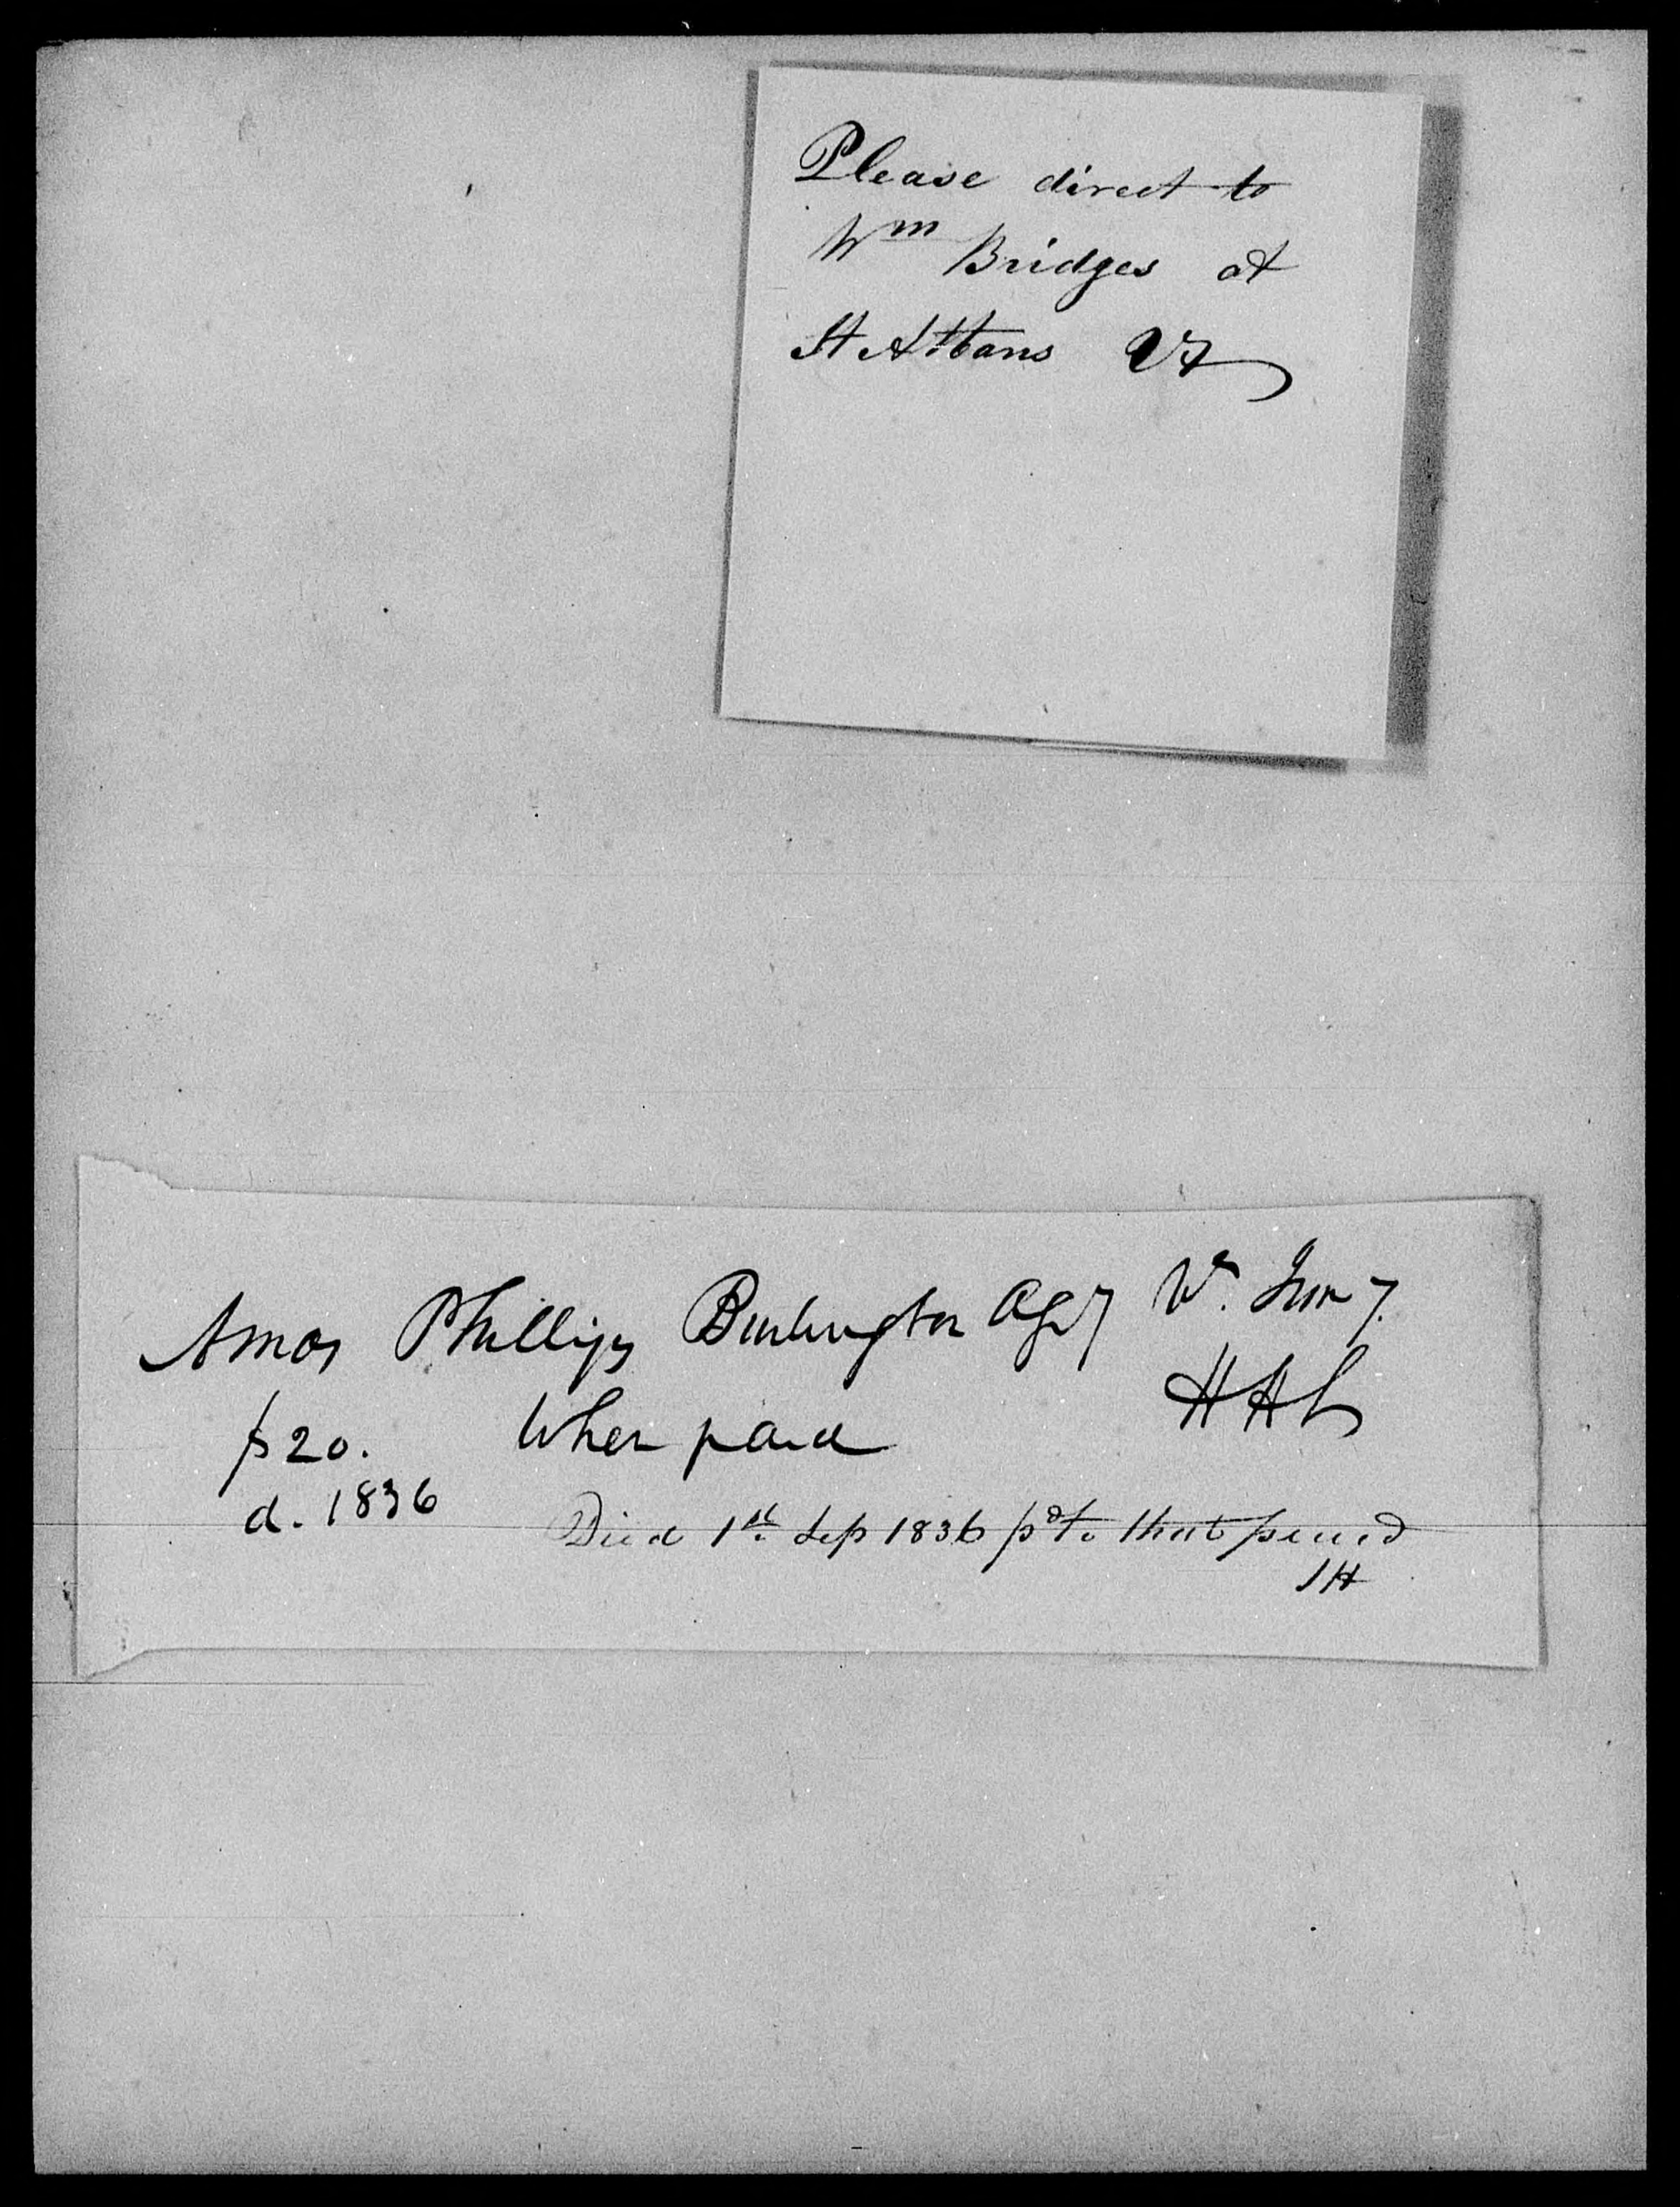Please direct to W. Bridges at St Albans Vt
Amos Phillips Burlington [illegible] W. Jun 7
$20. d. 1836 When paid H H L
Died 1st Sep 1836 [illegible] to that [illegible] JH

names: Amos Phillips; Wm Bridges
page: 17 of 26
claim: widow's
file: W. 26,886, for Amos Phillips, Massachusetts